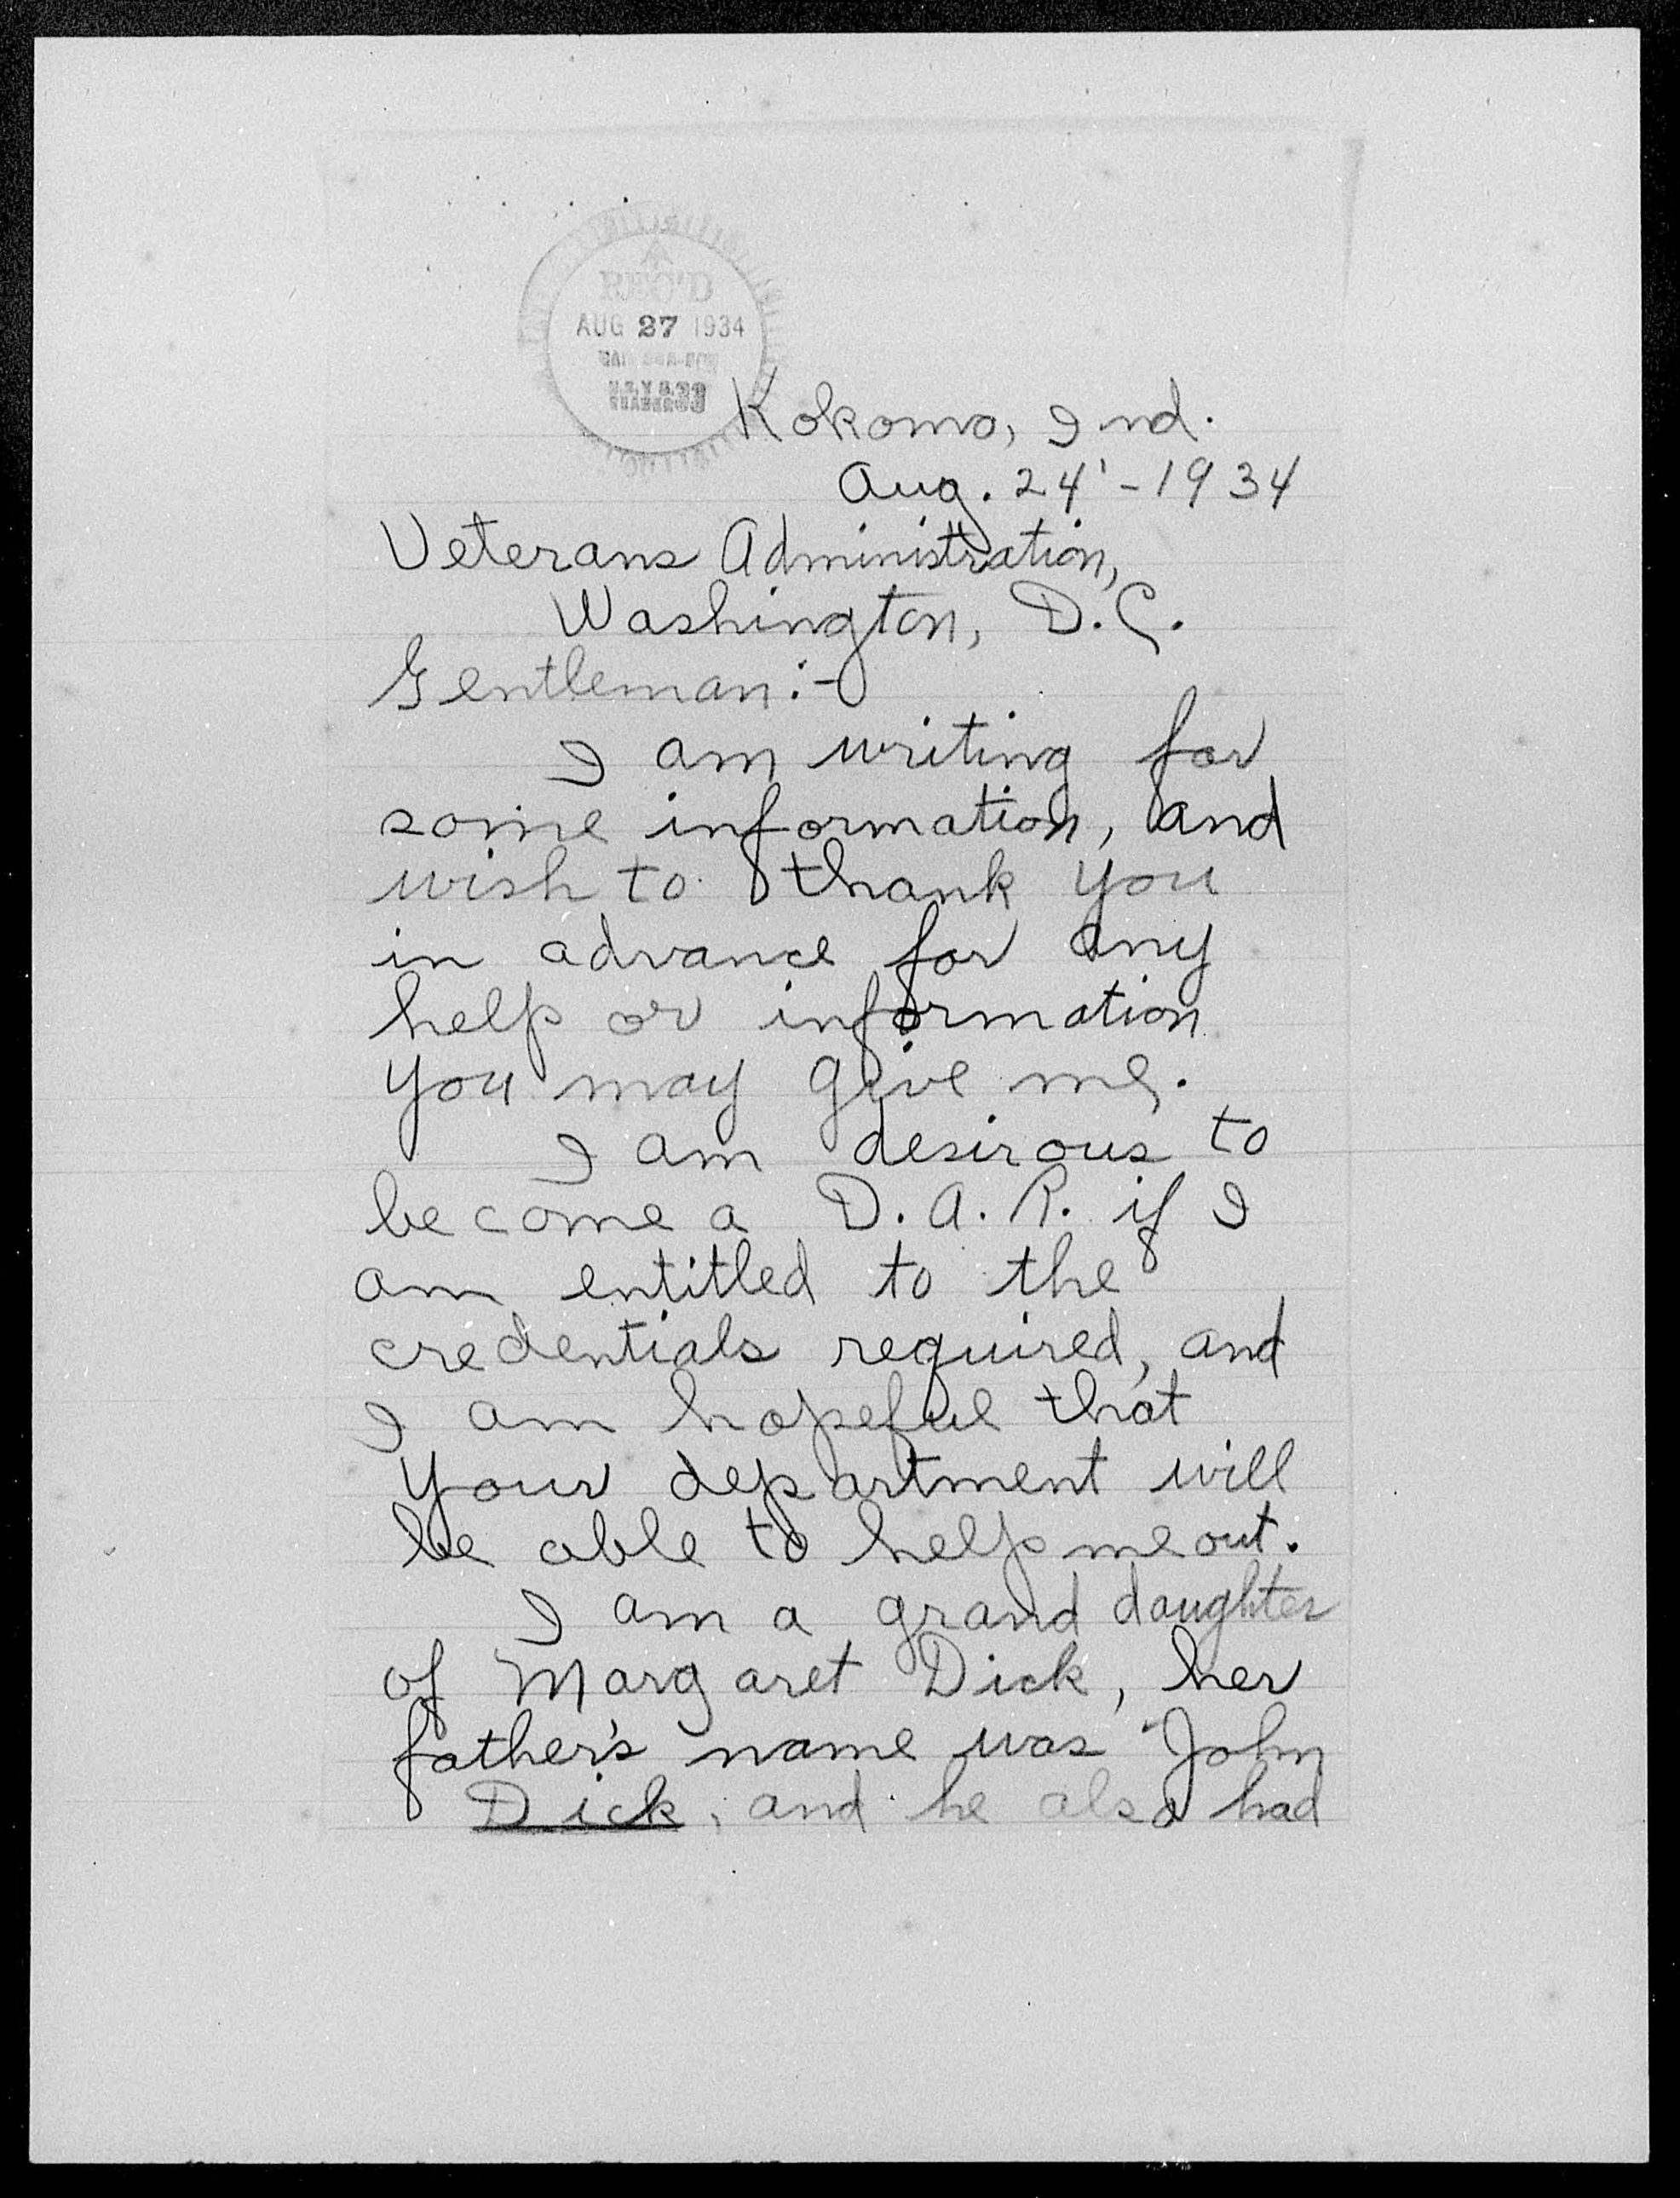Rec'd AUG 27 1934 [stamp illegible]
 Kokomo, Ind. Aug. 24-1934 
Veterans Administration, Washington, D.C. Gentleman:
 I am writing for some information, and wish to thank you in advance for any help or information you may give me.
 I am desirous to become a D.A.R. if I am entitled to the credentials required, and I am hopeful that your department will be able to help me out. I am a grand daughter of Margaret Dick, her father's name was John Dick, and he also had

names: John Dick, Margaret Dick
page: 12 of 31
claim: widow's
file: W. 8668, John Dick, S C